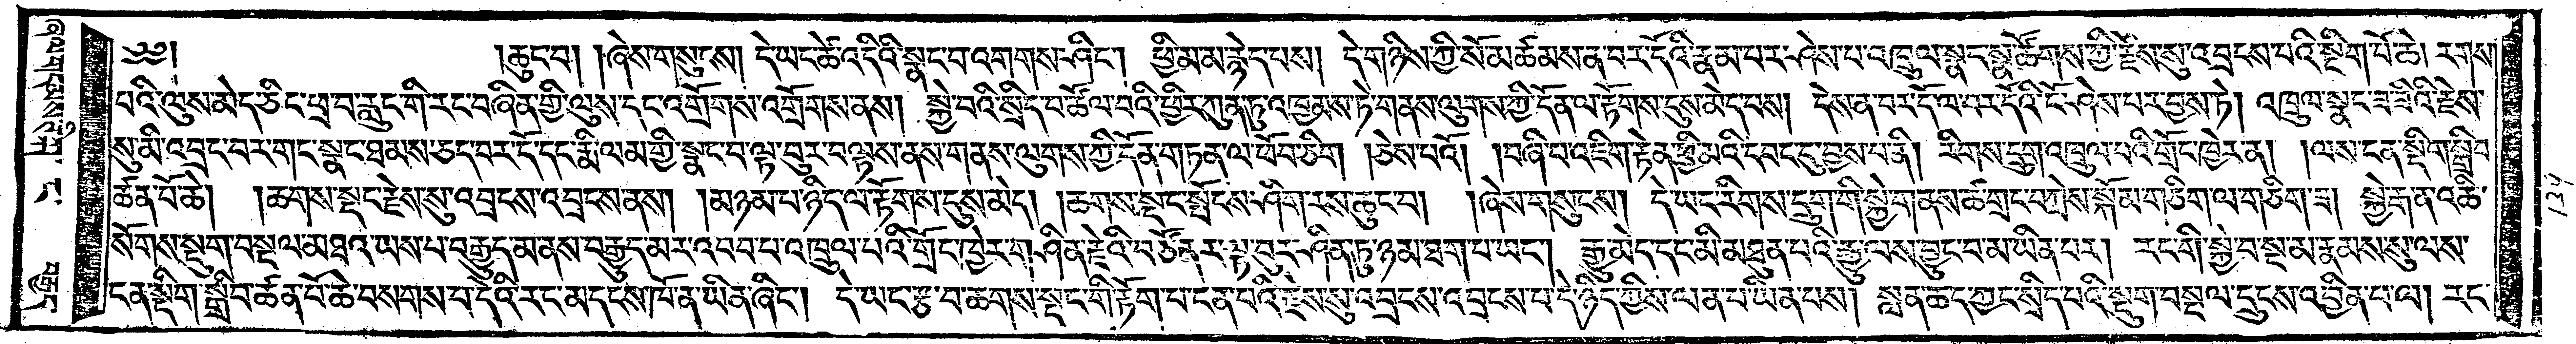༄༅། །ཆུང་བ། །ཞེས་གསུངས། དེ་ཡང་ཚེ་འདིའི་སྣང་བ་འགགས་ཤིང་། ཕྱི་མ་མ་རྙེད་པས། དེ་གཉིས་ཀྱི་སོ་མཚམས་ན་བར་དོའི་རྣམ་པར་ཤེས་པ་འཁྲུལ་སྣང་སྣ་ཚོགས་ཀྱི་རྗེས་སུ་འབྲངས་པའི་སྡིག་པོ་ཆེ། རགས་
པའི་ལུས་མེད་ཅིང་ཕྲ་བ་རླུང་གི་རང་བཞིན་གྱི་ལུས་དང་འགྲོགས་འགྲོགས་ནས། སྐྱེ་བའི་སྲིད་པ་ཚོལ་བའི་ཕྱིར་ཀུན་ཏུ་འཁྱམས་ཏེ་གནས་ལུགས་ཀྱི་དོན་ལ་རྟོགས་དུས་མེད་པས། དེས་ན་བར་དོལ་བར་དོའི་ངོ་ཤེས་པར་བྱས་ཏེ། འཁྲུལ་སྣང་ཟ་ཟིའི་རྗེས་
སུ་མི་འབྲང་བར་གང་སྣང་ཐམས་ཅད་བར་དོ་དང་རྨི་ལམ་གྱི་སྣང་བ་ལྟ་བུར་བལྟས་ནས་གནས་ལུགས་ཀྱི་དོན་གཏན་ལ་ཕོབ་ཅིག །ཅེས་པའོ། །བཞི་བ་འཇིག་རྟེན་ཕྱི་མའི་དབང་དུ་བྱས་པ་ནི། རིགས་དྲུག་འཁྲུལ་བའི་གྲོང་ཁྱེར་ན། །ལས་ངན་སྡིག་སྒྲིབ་
ཚན་པོ་ཆེ། །ཆགས་སྡང་རྗེས་སུ་འབྲངས་འབྲངས་ནས། །མཉམ་པ་ཉིད་ལ་རྟོགས་དུས་མེད། །ཆགས་སྡང་སྤོངས་ཤིག་རས་ཆུང་བ། །ཞེས་གསུངས། དེ་ཡང་རིགས་དྲུག་གི་སྐྱེ་གནས་ཚ་གྲང་བཀྲེས་སྐོམ་གཅིག་ལ་གཅིག་ཟ། སྐྱེ་རྒན་འཆི་
སོགས་སྡུག་བསྔལ་མཐའ་ཡས་པ་བརྒྱུད་མ་ནས་བརྒྱུད་མར་འབབ་པ་འཁྲུལ་པའི་གྲོང་ཁྱེར་གཤིན་རྗེའི་བཙོན་ར་ལྟ་བུར་ཤིན་ཏུ་ཉམ་ཐག་པ་ཡང་། རྒྱུ་མེད་དང་མི་མཐུན་པའི་རྒྱུ་ལས་བྱུང་བ་མ་ཡིན་པར། རང་གི་སྐྱེ་བ་སྔ་མ་རྣམས་སུ་ལས་
ངན་སྡིག་སྒྲིབ་ཚན་པོ་ཆེ་བསགས་པ་དེའི་རང་མདངས་ཁོ་ན་ཡིན་ཞིང་། དེ་ཡང་རྩ་བ་ཆགས་སྡང་གི་རྟོག་པ་ངན་པའི་རྗེས་སུ་འབྲངས་འབྲངས་བ་དེ་ཉིད་ཀྱིས་ལན་པ་ཡིན་པས། སླན་ཆད་ཀྱང་སྲིད་པའི་སྡུག་བསྔལ་དྲུངས་འབྱིན་པ་ལ། རང་